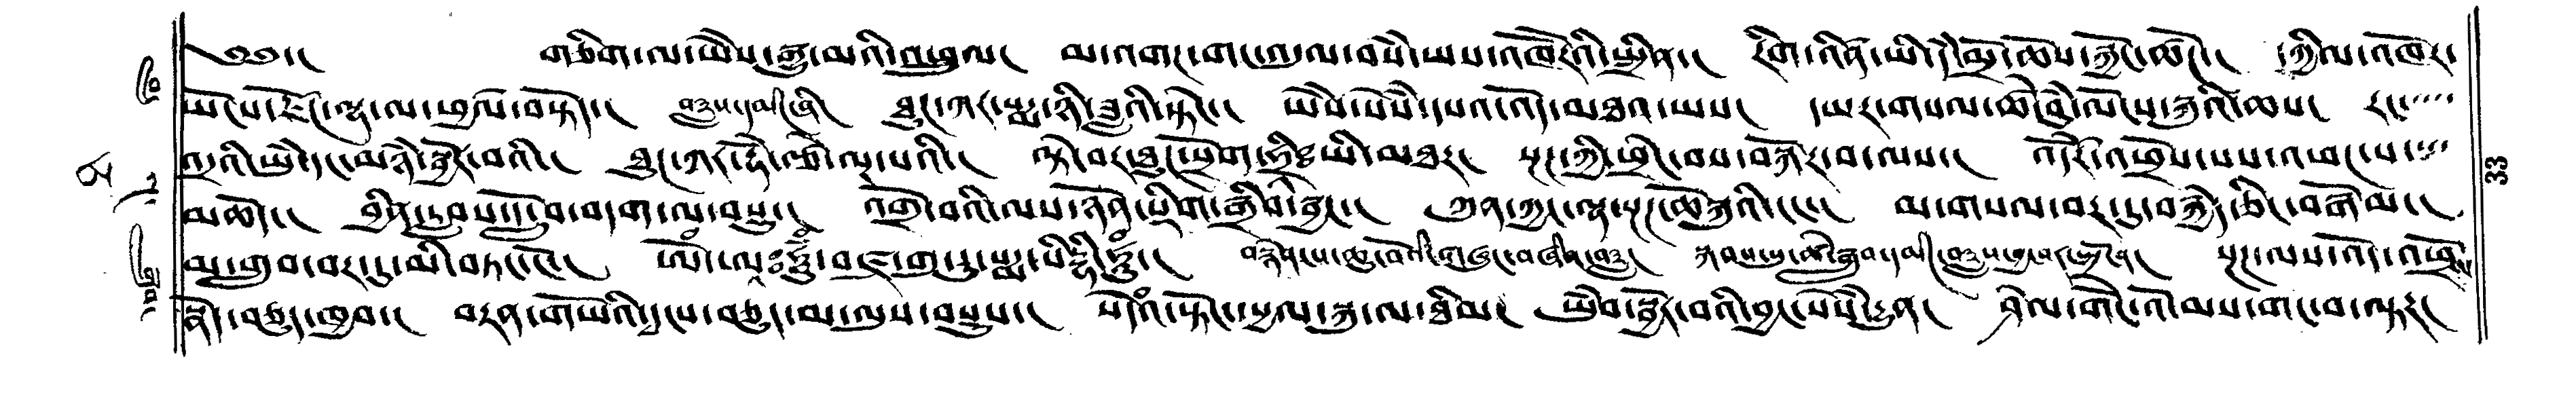གཅིག་ལ་ཡེ་ཤེས་སྒྱུ་མའི་འཕྲུལ། །མ་འགགས་གང་འདུལ་བསམ་ཡས་འཁོར་ལོའི་སྤྲིན། །རིག་འཛིན་ཡི་དམ་འཁའ་འགྲོ་ཆོས་སྐྱོང་ཚོགས། །དཀྱིལ་འཁོར་
ཡོངས་རྫོགས་ལྷ་ལ་ཕྱག་འཚལ་བསྟོད། བཟླས་དམིགས་ནི། ཐུགས་ཀར་པདྨ་ཉི་ཟླའི་སྟེང་། ཡེ་ཤེས་སེམས་དཔའ་འོད་མཐའ་ཡས། །དམར་གསལ་ཚེ་བུམ་ལོངས་སྐུའི་ཆས། །རང་
འདྲའི་ཡུམ་དང་མཉམ་སྦྱོར་བའི། །ཐུགས་ཀར་རྡོ་རྗེ་རྩེ་ལྔ་པའི། །ལྟེ་བར་ཐུགས་སྲོག་ཧྲཱིཿཡི་མཐར། །སྔགས་ཀྱི་ཕྲེང་བས་བསྐོར་བ་ལས། །འོད་ཟེར་འཕྲོས་པས་འཕགས་པ་
མཆོད། །བྱིན་རླབས་དངོས་གྲུབ་བདག་ལ་བསྡུ། །འགྲོ་བའི་ལས་ཉོན་སྡིག་སྒྲིབ་སྦྱང་། །ཀུན་ཀྱང་ལྷ་སྔགས་ཆོས་སྐུའི་ངང་། །མ་གསལ་བར་དུ་བསྐྱེད་ཅིང་བསྒོམ། །
མ་གྲུབ་བར་དུ་མྀ་གཏང་ངོ་། ཨོཾ་ཨཱཿཧཱུྃ་བཛྲ་གུ་རུ་པདྨ་སིདྡྷི་ཧཱུྃ། བསྙེན་པ་ཆུ་བོའི་གཞུང་བཞིན་བཟླ། སྐབས་སུ་ཚེ་སྒྲུབ་དམིགས་བཟླས་བྱ་བར་སྤྲོ་ན ། སྔགས་ལས་འོད་འཕྲོས་
སྣོད་བཅུད་ཁྱབ། །བརྟན་གཡོའི་དྭངས་བཅུད་མ་ལུས་བསྡུས། །སེམས་དཔའ་སྟང་དཔྱལ་སྐུ་ལ་ཐིམ། །ཡབ་ཡུམ་སྦྱོར་བའི་བྱང་སེམས་རྒྱུན། །ཤེལ་གོང་འོ་མས་གང་བ་ལྟར།